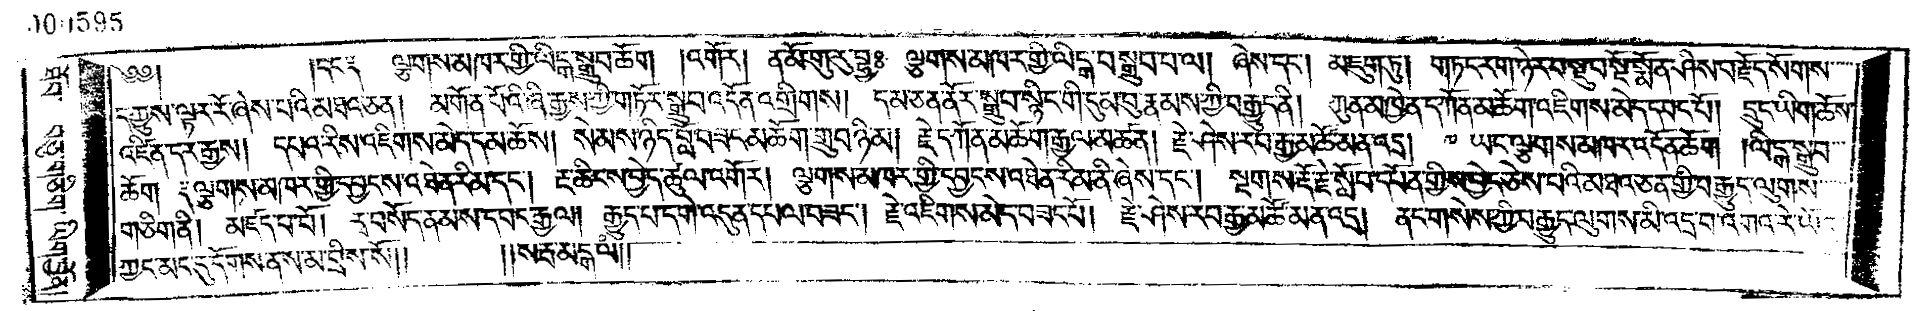༄༅། །དང༑ ལྕགས་མཁར་གྱི་ལིངྒ་སྒྲུབ་ཆོག །འགོར། ན་མོ་གུ་རུ་བྷྱཿལྕགས་མཁར་གྱི་ལིངྒ་བསྒྲུབ་པ་ལ། ཞེས་དང་། མཇུག་ཏུ། གཏང་རག་ཉེར་བསྡུ་བ་སྔོ་སྨོན་ཤིས་བརྗོད་སོགས་
དཀྱུས་ལྟར་རོ་ཞེས་པའི་མཐའ་ཅན། མགོན་པོའི་ཞི་རྒྱས་ཀྱི་གཏོང་སྒྲུབ་འདོན་འགྲིགས། དམ་ཅན་ནོར་སྒྲུབ་སྙིང་གི་དུམ་བུ་རྣམས་ཀྱི་བརྒྱུད་ནི། ཀུན་མཁྱེན་དཀོན་མཆོག་འཇིགས་མེད་དབང་པོ། དྲུང་ཡིག་ཆོས་
འཛིན་དར་རྒྱས། དཔའ་རིས་འཇིགས་མེད་དམ་ཆོས། སེམས་ཉིད་བློ་བཟང་མཆོག་གྲུབ་ཉི་མ། རྗེ་དཀོན་མཆོག་རྒྱལ་མཚན། རྗེ་ཤེས་རབ་རྒྱ་མཚོ་མན་འདྲ། ༧་ཡང་ལྕགས་མཁར་འདོན་ཆོག །ལིངྒ་སྒྲུབ་
ཆོག ༑ལྕགས་མཁར་གྱི་དབྱངས་འཐེན་རིམ་དང་། རྔ་ཆིངས་བྱེད་ཚུལ་འགོར། ལྕགས་མཁར་གྱི་དབྱངས་འཐེན་རིམ་ནི་ཞེས་དང་། སྔགས་རྡོ་རྗེ་སློབ་དཔོན་གྱིས་བྱེད་ཅེས་པའི་མཐའ་ཅན་གྱི་བརྒྱུད་ལུགས་
གཅིག་ནི། མཛད་པ་བོ། རྭ་བསོད་ནམས་དབང་རྒྱལ། རྒྱུད་པ་དགེ་འདུན་དཔལ་བཟང་། རྗེ་འཇིགས་མེད་བཟང་པོ། རྗེ་ཤེས་རབ་རྒྱ་མཚོ་མན་འདྲ། ནང་གསེས་ཀྱི་བརྒྱུད་ལུགས་མི་འདྲ་བ་འགའ་རེ་ཡོད་
ཀྱང་མང་དུ་དོགས་ནས་མ་བྲིས་སོ།། །།སརྦ་མངྒ་ལཾ།
༄༅། །ཟུར་བཀའ་དང་སྤྱི་བཀའི་དབང་གི་སྐོར་བཞུགས་སོ། །